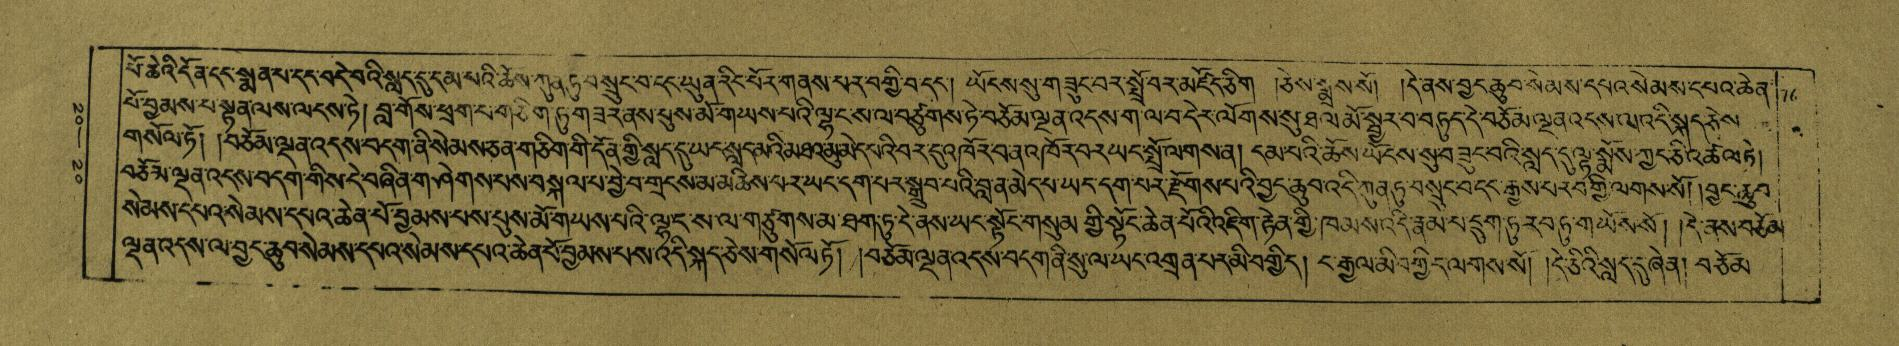པོ་ཆེའི་དོན་དང་སྨན་པ་དང་བདེ་བའི་སླད་དུ་དམ་པའི་ཆོས་ཀུན་ཏུ་བསྲུང་བ་དང་ཡུན་རིང་པོར་གནས་པར་བགྱི་བ་དང་། ཡོངས་སུ་གཟུང་བར་སྤྲོ་བར་མཛོད་ཅིག །ཅེས་སྨྲས་སོ། །དེ་ནས་བྱང་ཆུབ་སེམས་དཔའ་སེམས་དཔའ་ཆེན་
པོ་བྱམས་པ་སྟན་ལས་ལངས་ཏེ། བླ་གོས་ཕྲག་པ་གཅིག་ཏུ་གཟར་ནས་པུས་མོ་གཡས་པའི་ལྷ་ང་ས་ལ་བཙུགས་ཏེ་བཅོམ་ལྡན་འདས་ག་ལ་བ་དེར་ལོགས་སུ་ཐལ་མོ་སྦྱར་བ་བཏུད་དེ་བཅོམ་ལྡན་འདས་ལ་འདི་སྐད་ཅེས་
གསོལ་ཏོ། །བཅོམ་ལྡན་འདས་བདག་ནི་སེམས་ཅན་གཅིག་གི་དོན་གྱི་སླད་དུ་ཡང་སླད་མའི་མཐའ་མུ་མེད་པའི་བར་དུ་འཁོར་བ་ན་འཁོར་བར་ཡང་སྤྲོ་ལགས་ན། དམ་པའི་ཆོས་ཡོངས་སུ་བཟུང་བའི་སླད་དུ་ལྟ་སྨོས་ཀྱང་ཅི་འཚལ་ཏེ།
བཅོམ་ལྡན་འདས་བདག་གིས་དེ་བཞིན་གཤེགས་པས་བསྐལ་བ་བྱེ་བ་གྲངས་མ་མཆིས་པར་ཡང་དག་པར་སྒྲུབ་པའི་བླ་ན་མེད་པ་ཡང་དག་པར་རྫོགས་པའི་བྱང་ཆུབ་འདི་ཀུན་ཏུ་བསྲུང་བ་དང་རྒྱས་པར་བགྱི་ལགས་སོ། །བྱང་ཆུབ་
སེམས་དཔའ་སེམས་དཔའ་ཆེན་པོ་བྱམས་པས་པུས་མོ་གཡས་པའི་ལྷ་ང་ས་ལ་གཙུགས་མ་ཐག་ཏུ་དེ་ནས་ཡང་སྟོང་གསུམ་གྱི་སྟོང་ཆེན་པོའི་འཇིག་རྟེན་གྱི་ཁམས་འདི་རྣམ་པ་དྲུག་ཏུ་རབ་ཏུ་གཡོས་སོ། །དེ་ནས་བཅོམ་
ལྡན་འདས་ལ་བྱང་ཆུབ་སེམས་དཔའ་སེམས་དཔའ་ཆེན་པོ་བྱམས་པས་འདི་སྐད་ཅེས་གསོལ་ཏོ། །བཅོམ་ལྡན་འདས་བདག་ནི་སུ་ལ་ཡང་འགྲན་པར་མི་བགྱིད། ང་རྒྱལ་མི་བགྱིད་ལགས་སོ། །དེ་ཅིའི་སླད་དུ་ཞེན། བཅོམ་